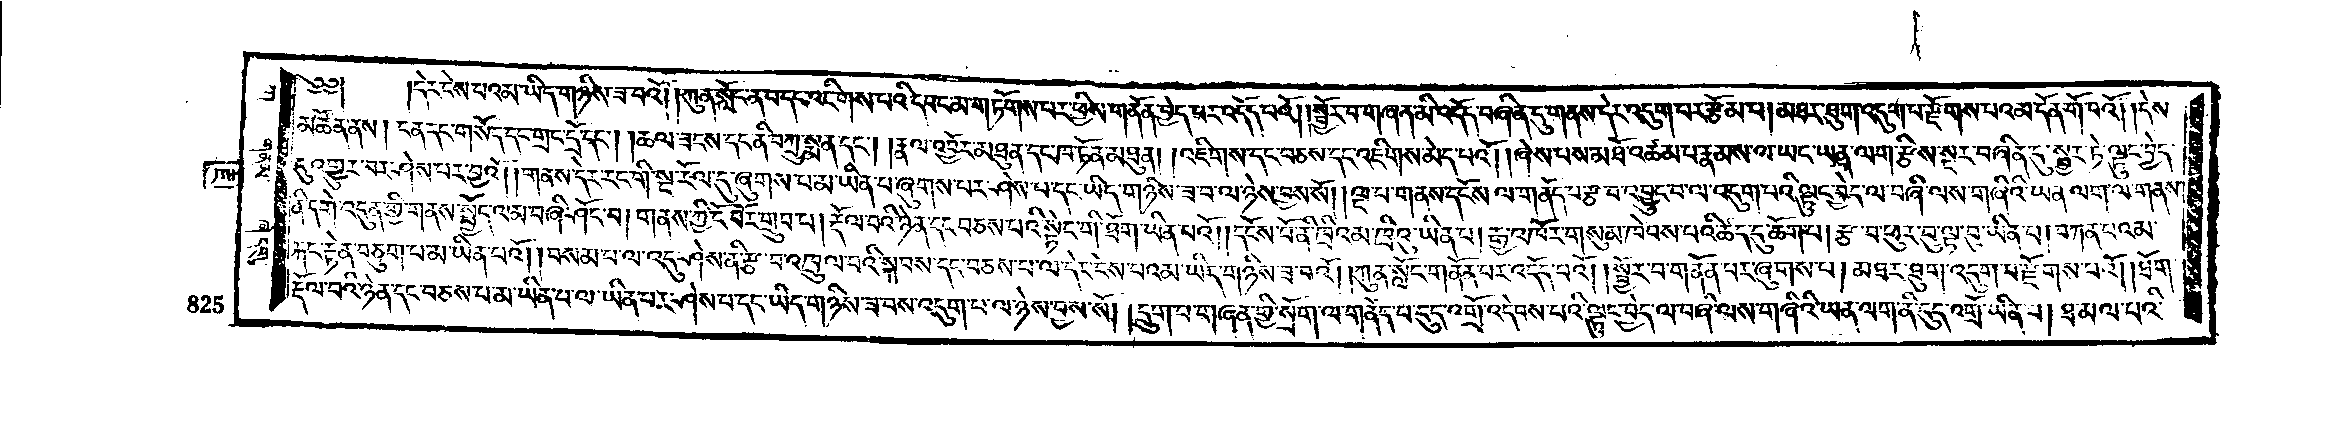༄༅། །དེར་ངེས་པའམ་ཡིད་གཉིས་ཟ་བའོ། །ཀུན་སློང་ན་བ་དང་འཇིགས་པའི་དབང་མ་གཏོགས་པར་ཕྱིས་གནོན་བྱེད་པར་འདོད་པའོ། །སྦྱོར་བ་གཞན་མི་འདོད་བཞིན་དུ་གནས་དེར་འདུག་པར་རྩོམ་པ། མཐར་ཐུག་འདུག་པ་རྫོགས་པའམ་དོན་གོ་བའོ། །དེས་
མཚོན་ནས། ངན་དང་གསོད་དང་གྲང་དྲོ་དང་། །ཆལ་ཟངས་དང་ནི་བཀྲུ་སྨན་དང་། །རྣལ་འབྱོར་མཐུན་དང་ཁ་ཏོན་མཐུན། །འཇིགས་དང་བཅས་དང་འཇིགས་མེད་པའོ། །ཞེས་པས་མཐོ་འཚམ་པ་རྣམས་ལ་ཡང་ཡན་ལག་རྩིས་སྔར་བཞིན་དུ་སྦྱར་ཏེ་ལྟུང་བྱེད་
དུ་འགྱུར་བར་ཤེས་པར་བྱའོ། །གནས་དེར་རང་གི་སྔ་རོལ་དུ་ཞུགས་པ་མ་ཡིན་པ་ཞུགས་པར་ཤེས་པ་དང་ཡིད་གཉིས་ཟ་བ་ལ་ཉེས་བྱས་སོ། །ལྔ་པ་གནས་དངོས་ལ་གནོད་པ་རྩ་བ་འབྱུང་བ་ལ་འདུག་པའི་ལྟུང་བྱེད་ལ་བཞི་ལས་གཞིའི་ཡན་ལག་ལ་གནས་
ནི་དགེ་འདུན་གྱི་གནས་སྤྱོད་ལམ་བཞི་ཤོང་བ། གནས་ཀྱི་ངོ་བོར་གྲུབ་པ། རྡོལ་བའི་ཉེན་དང་བཅས་པའི་སྟེང་གི་ཐོག་ཡིན་པའོ། །དངོས་པོ་ནི་ཁྲིའམ་ཁྲིའུ་ཡིན་པ། རྒྱ་འཁོར་གསུམ་ཁེབས་པའི་ཚད་དུ་ཆོག་པ། རྩ་བ་ཕུར་བུ་ལྟ་བུ་ཡིན་པ། བཀན་པའམ་
རྐང་རྟེན་བཅུག་པ་མ་ཡིན་པའོ། །བསམ་པ་ལ་འདུ་ཤེས་ནི་རྩ་བ་འཁྲུལ་བའི་སྐབས་དང་བཅས་པ་ལ་དེར་ངེས་པའམ་ཡིད་གཉིས་ཟ་བའོ། །ཀུན་སློང་གནོན་པར་འདོད་པའོ། །སྦྱོར་བ་གནོན་པར་ཞུགས་པ། མཐར་ཐུག་འདུག་པ་རྫོགས་པའོ། །ཐོག་
རྡོལ་བའི་ཉེན་དང་བཅས་པ་མ་ཡིན་པ་ལ་ཡིན་པར་ཤེས་པ་དང་ཡིད་གཉིས་ཟ་བས་འདུག་པ་ལ་ཉེས་བྱས་སོ། །དྲུག་པ་གཞན་གྱི་སྲོག་ལ་གནོད་པ་དུད་འགྲོ་འདེབས་པའི་ལྟུང་བྱེད་ལ་བཞི་ལས་གཞིའི་ཡན་ལག་ནི་དུད་འགྲོ་ཡིན་པ། ཐ་མལ་པའི་